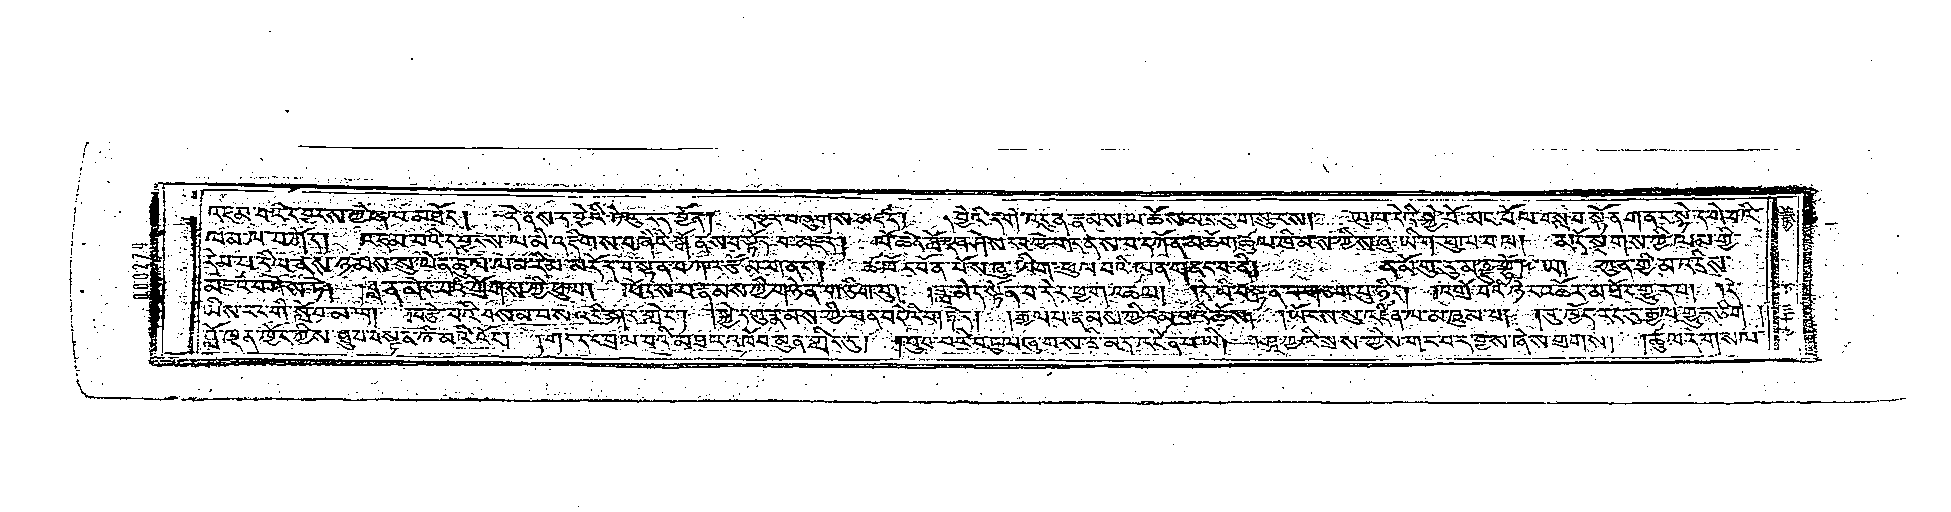འཇམ་པའི་དབྱངས་ཀྱི་ཞལ་མཐོང་། དེ་ནས་དབྱེའི་ཏེའུ་རང་བྱོན། དབྱར་བཞུགས་མཛད། དབྱེའི་དགེ་འདུན་རྣམས་ལ་ཆོས་མང་དུ་གསུངས། ཡུལ་དེའི་སྐྱེ་བོ་མང་པོ་ལ་བསླབ་སྟོན་གནང་སྟེ་དགེ་བའི་
ལམ་ལ་བཀོད། འཇམ་པའི་དབྱངས་ལ་མི་འཇིགས་བཞིའི་སྒོ་ནས་བསྟོད་པ་མཛད། ལོ་ཆེན་བློ་ལྡན་ཤེས་རབ་ཀྱི་གདན་ས་བ་དཀོན་མཆོག་ཚུལ་ཁྲིམས་ཀྱིས་ཞུ་ཡིག་ཕུལ་བ་ལ། མདོ་སྔགས་ཀྱི་ལམ་གྱི་
རིམ་པ་དི་ལ་ནས་ཉམས་སུ་ལེན་ཚུལ་ལམ་རིམ་མདོར་བསྟན་བཀའ་རྩོམ་གནང་། ཚ་ཁོ་དབོན་པོས་ཞུ་ཡིག་ཕུལ་བའི་ལན་གནང་བ་ནི། ན་མོ་གུ་རུ་མཉྫུ་གྷོ་ཥ་ཡ། ཀུན་གྱི་མ་འདྲིས་
མཛའ་བཤེས་ཏེ། །བླ་ན་མེད་བའི་གྲོགས་ཀྱི་ཕུལ། །ཕོངས་པ་རྣམས་ཀྱི་གཉེན་གཅིག་བུ། །ཟླ་མེད་སྟོན་པ་དེར་ཕྱག་འཚལ། །དེ་ཡི་བསྟན་པ་གཅིག་པུ་ཉིད། །འགྲོ་བའི་ཉེར་འཆོར་མཐོང་གྱུར་པ། །དེ་
ཡིས་རང་གི་སློབ་མ་ལ། །བརྩེ་བའི་བསམ་བས་འདི་སྐད་གླེང་། །སྐྱེ་དགུ་རྣམས་ཀྱི་ཕན་བདེའི་གཏེར། །རྒྱལ་བ་རྣམས་ཀྱི་དམ་པའི་ཆོས། །ཡོངས་སུ་འཛིན་ལ་མ་ཞུམ་པ། །བུ་ཁྱོད་རང་དུ་རྒྱལ་གྱུར་ཅིག །
བློ་ལྡན་ཁྱོད་ཀྱིས་ཐུབ་བསྟན་ཉི་མའི་འོད། །གང་དང་བྲལ་བའི་མཐའ་འཁོབ་མུན་གླིང་དུ། །བུབ་པའི་བཏུལ་ཞུགས་དྲི་མེད་འཛིན་པ་ཡི། །ཤཱཀྱའི་སྲས་ཀྱིས་གང་བར་བྱས་ཞེས་གྲགས། །ཚུལ་དེ་གསལ་